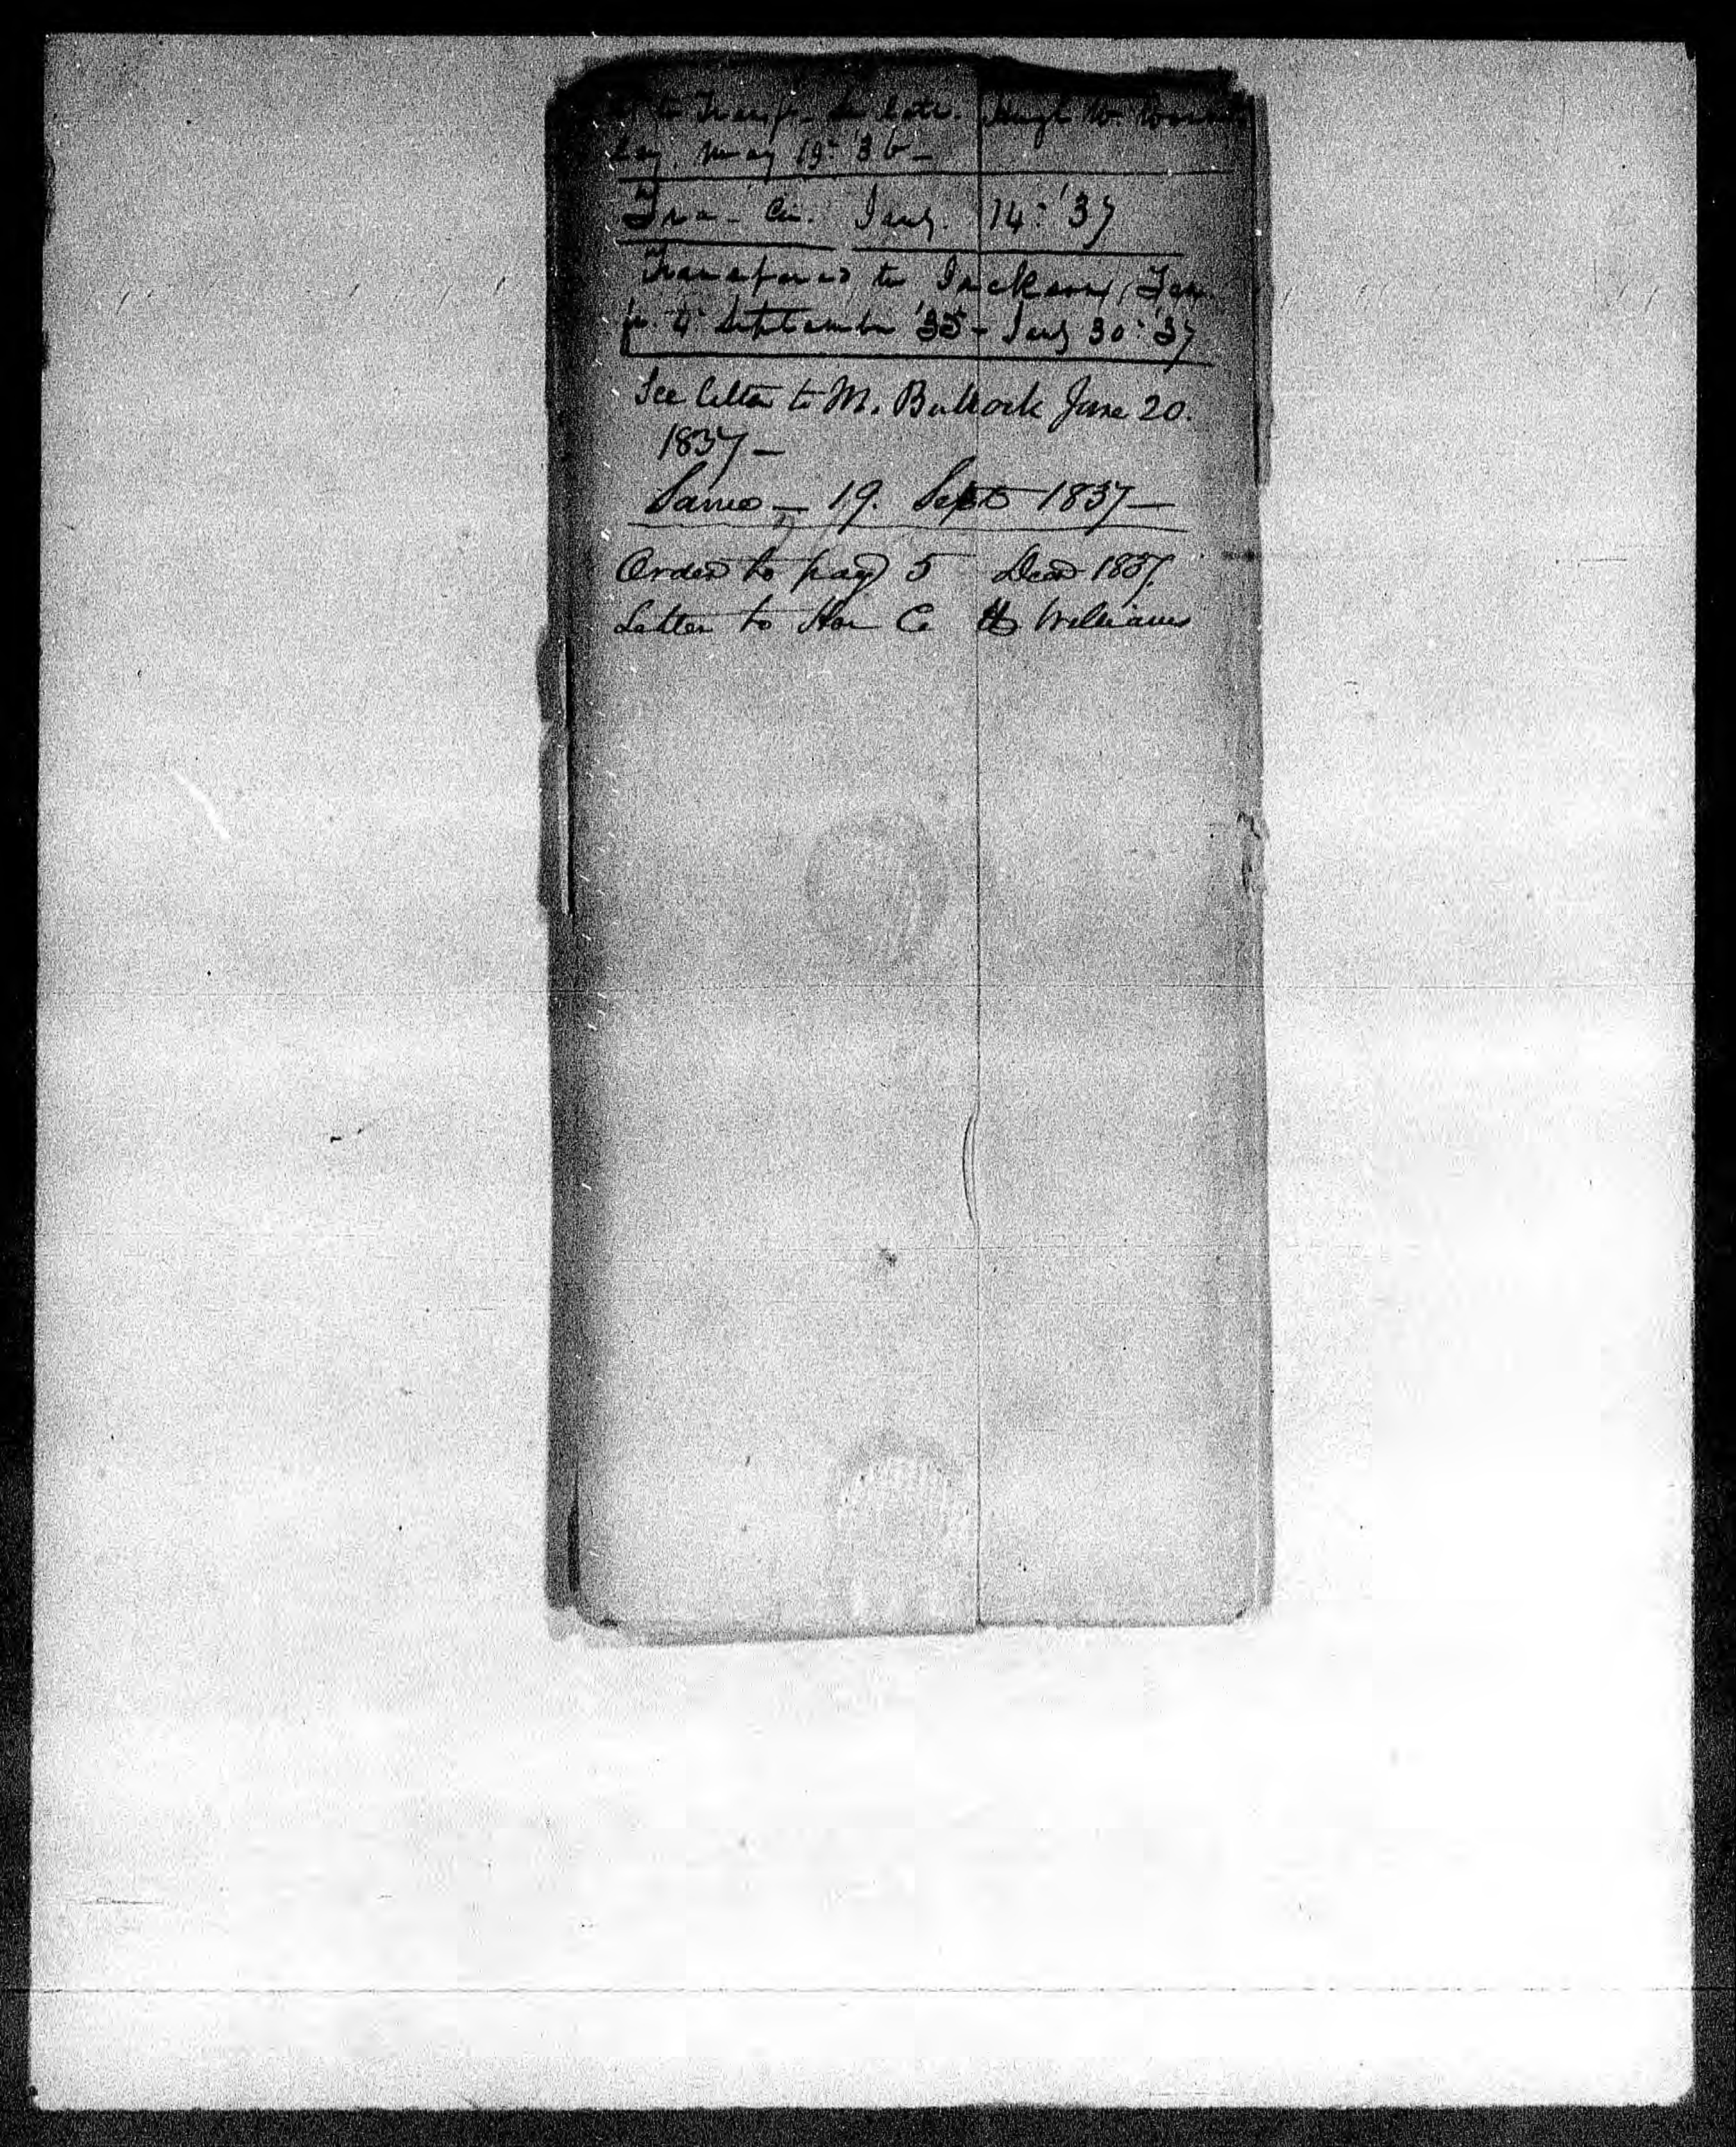[first line illegible]
[illegible] May 19 ' 36

Tra- Ci  Jany 14 ' 39

[illegible] to Jackson  [illegible]
fr 4 September ' 35- [illegible] 30 ' 37

Lee Celta to  M Bullock June 20
1837
[illegible] 19 Sept 1837

Order to pay 5 Dec 1837
Letter to Hon C. H Williams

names: M Bullock, C H Williams, Hugh W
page: 3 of 91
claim: widow's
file: W 358, John Grider, N.C.